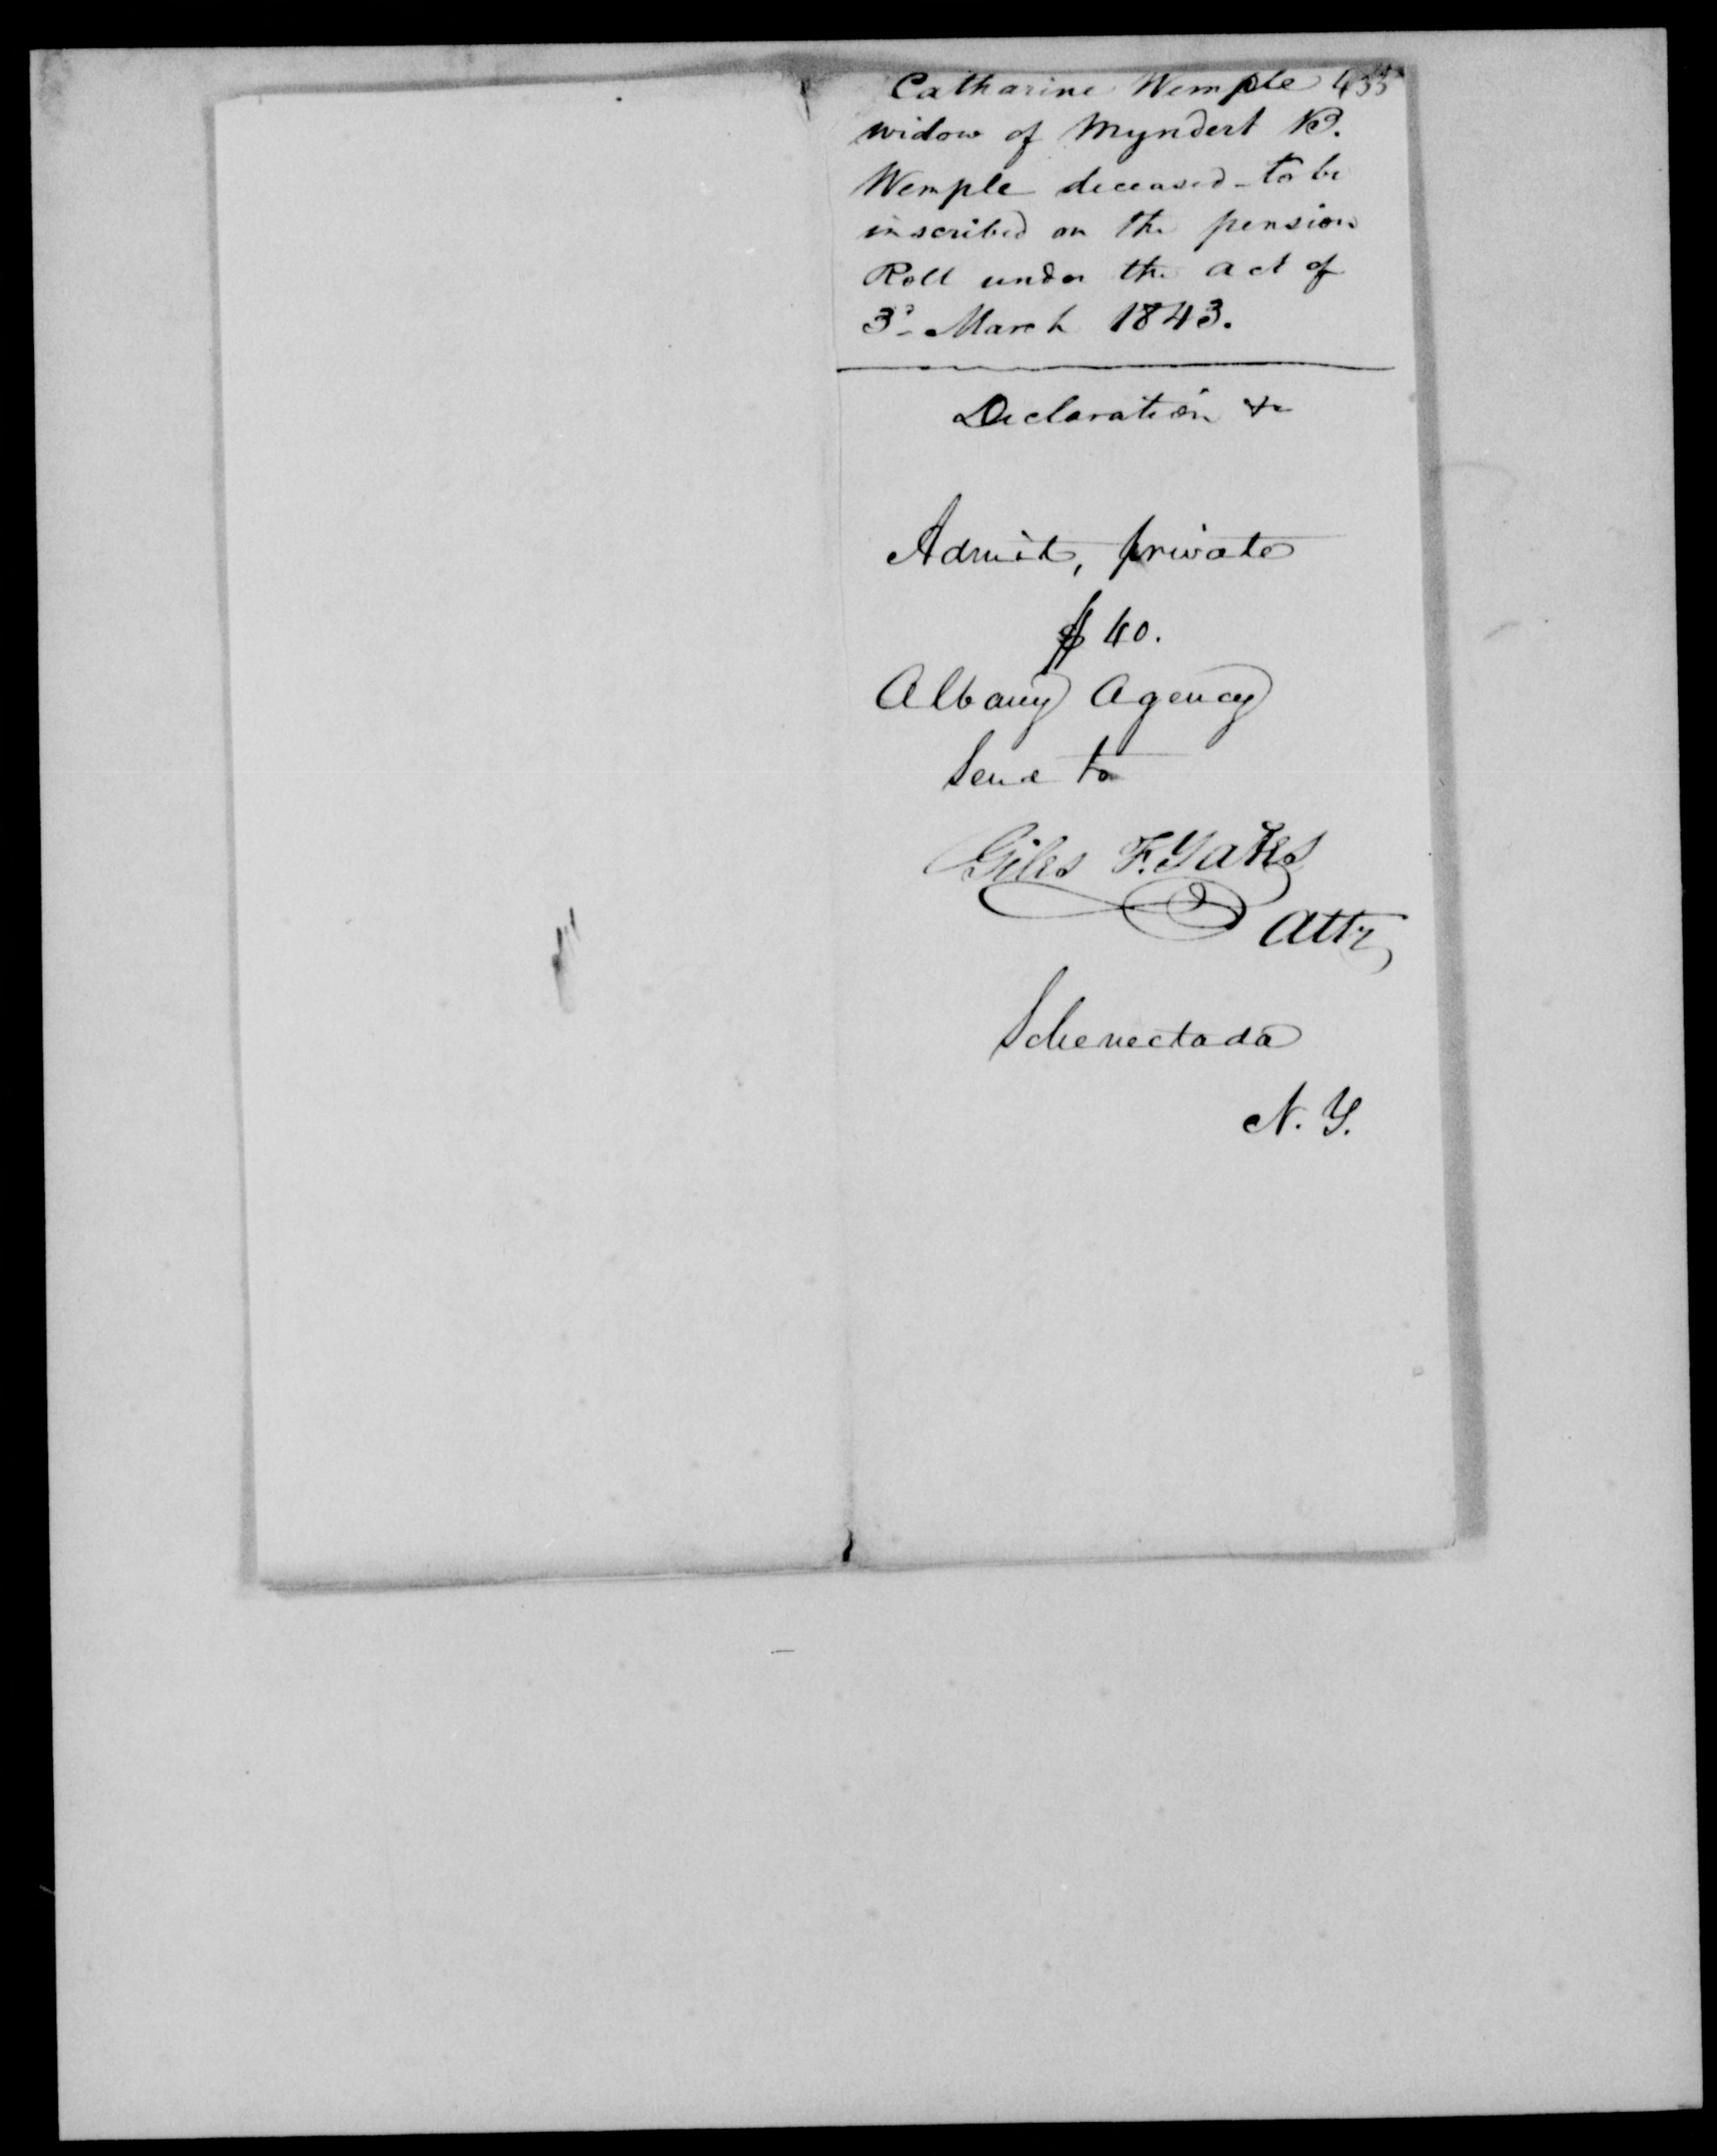Catharine Wemple   433 
widow of Myndert B.
Wemple deceased to be
inscribed on the pension
Roll under the act of
3d March 1843.

Declaration &c

Admit, private
$40.
Albany Agency
Send to
Giles F. Yates
Atty

Schenectada(Schenectady)
N. Y.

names: Giles F Yates, Myndert B Wemple, Catharine Wemple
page: 46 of 51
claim: widow's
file: W. 19604, Myndert B Wemple, New York